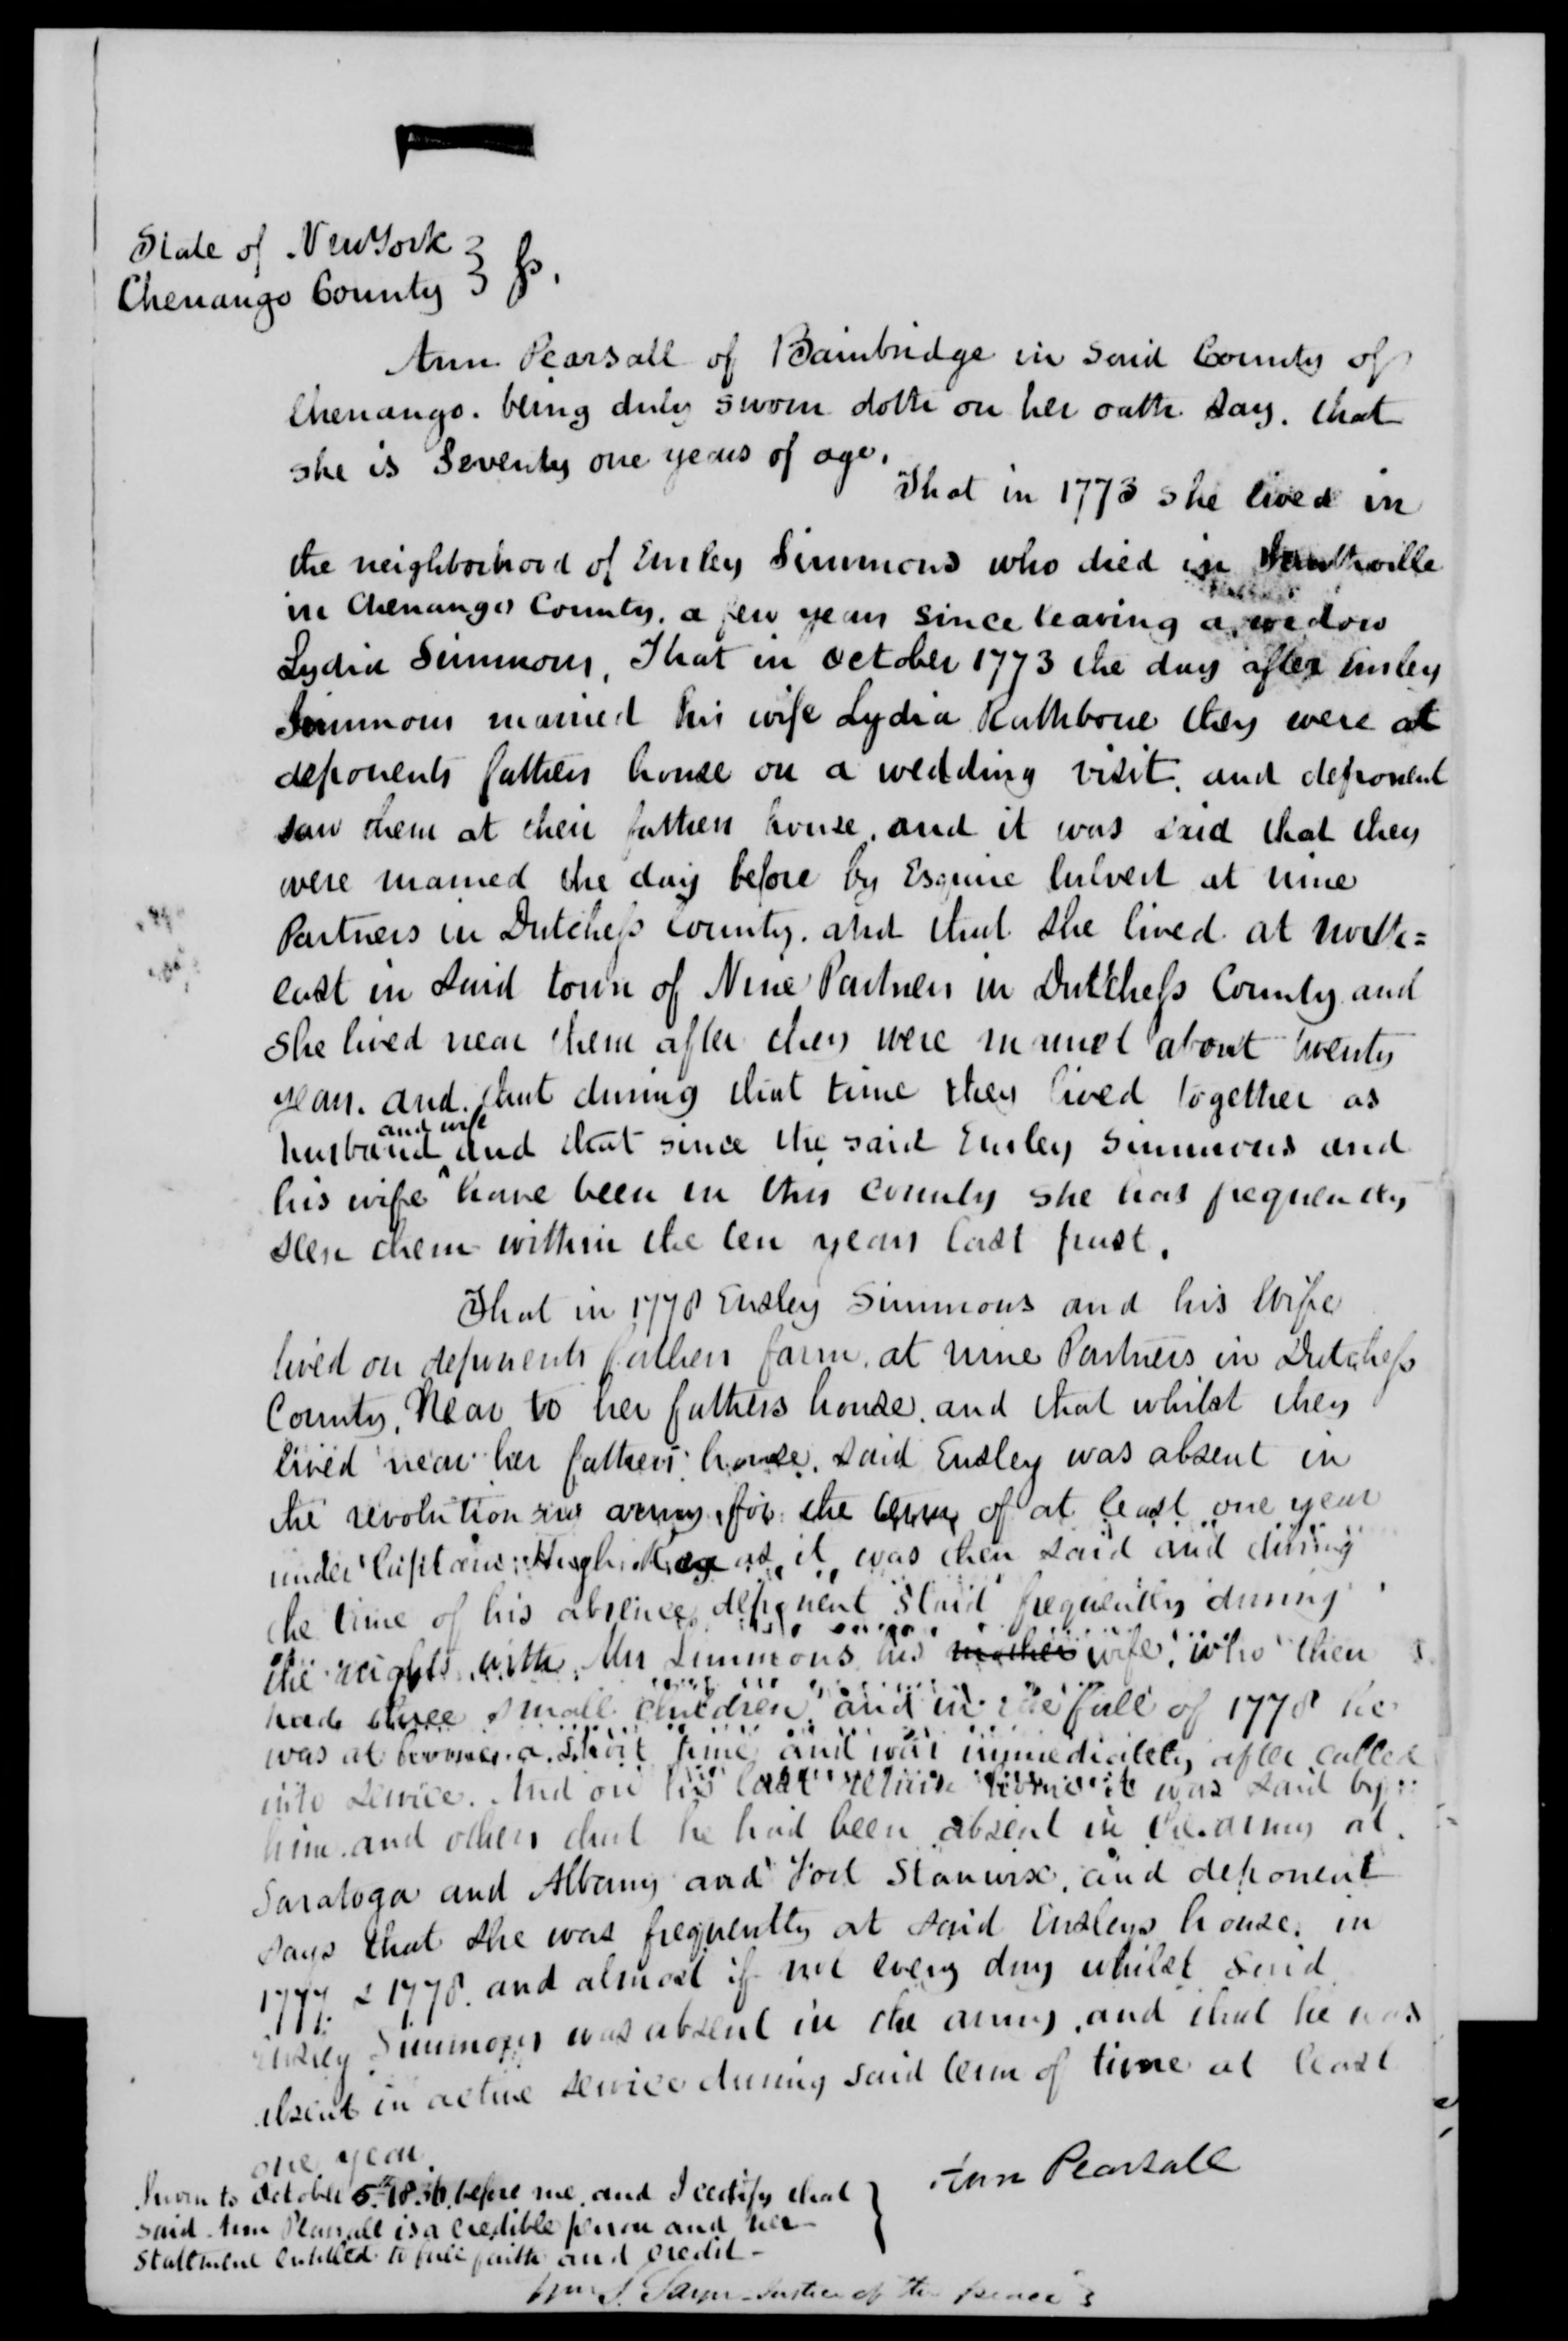State of New York ⎬
Chenango County
Ann Pearsall of Bainbridge in said County of
Chenango being duly sworn doth on her oath say that
she is Seventy one years of age. That in 1773 she lived in
the neighborhood of Ensley Simmons who died in Southville in Chenango County, a few years since leaving a widow
Lydia Simmons, That in October 1773 the day after Ensley Simmons married his wife Lydia Rathbone they were at
deponents fathers house on a wedding visit, and deponent saw them at their fathers house, and it was said that they were married the day before by Esquire Culvert at Nine
Partners in Dutchess County, and that she lived at Northeast in said town of Nine Partners in Dutchess County and
she lived near them after they were married about twenty
years, and that during that time they lived together as
husband and wife and that since the said Ensley Simmons and
his wife have been in this county she has frequently
seen them within the ten years last past.
That in 1778 Ensley Simmons and his wife
lived on deponents fathers farm at Nine Partners in Dutchess
County near to her fathers house, and that whilst they
lived near her fathers house said Ensley was absent in
the revolutionary army for the term of at least one year
under Captain Hugh Regat it was then said and during
the time of his absence deponent staid frequently during the
night with Mrs Simmons his wife, who then
had three small children and in the fall of 1778 he
was at home a short time and was immediately after called
into service. And on his last return home it was said by
him and others that he had been absent in [xx] at
Saratoga and Albany and Fort Stanwix, and deponent
says that she was frequently at said Ensleys house in
7
1777 & 1778 and almost if not every day whilst said
Summons was absent in the army and that he was absent
in active service during said term of time at least one year.

Sworn to October 5th 1836 before me and I certify that said Ann Pearsall is a credible person and her statement entitled to full faith and credit. 
Wm. S Sayer Justice of the Peace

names: Ann Pearsall; Ensley [BLANK]; Lydia Rathbone; [BLANK] Simmons; Ensley [BLANK]; Ann Pearsall; Ensley Simmons; Wm S Sayer; Ensley Simmons; Ensley Simmons; Lydia Simmons; Ann Pearsall; Ensley Simmons; Ensley Simmons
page: 27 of 29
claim: widow's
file: W. 19,032, for Ensley Simmons, New York